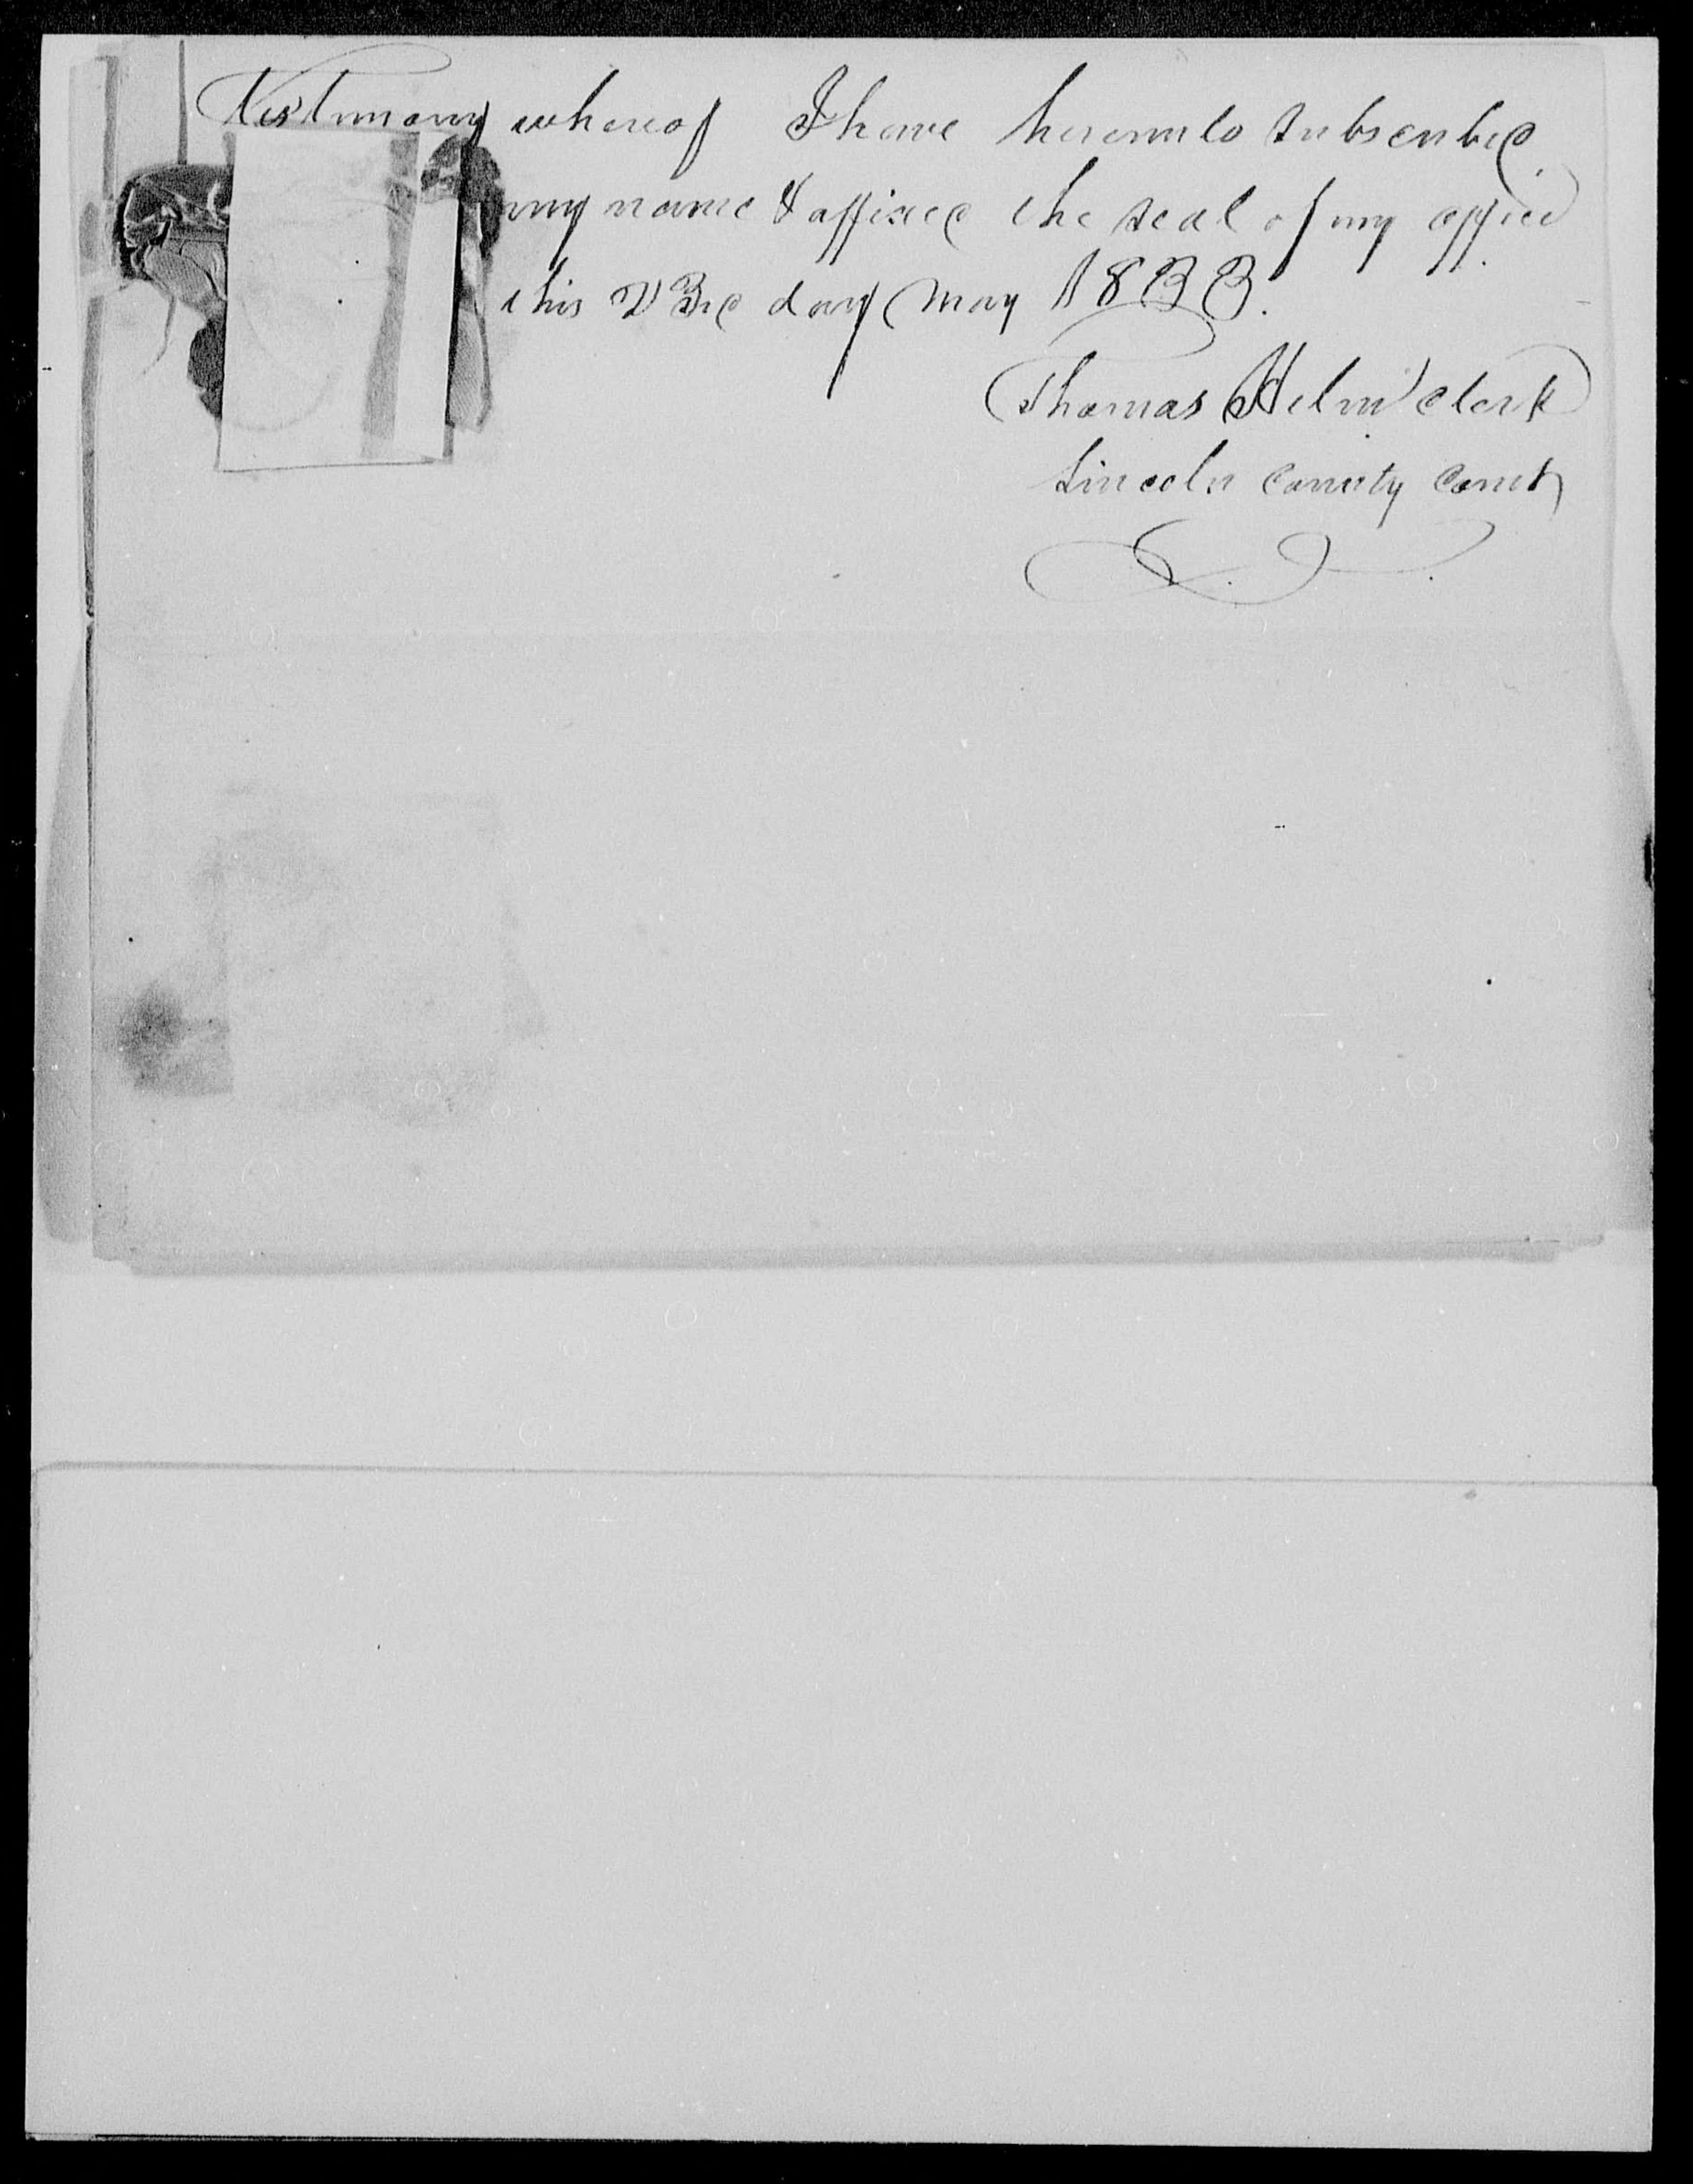[In] testimony whereof I have hereunto subscribed my name & affixed the seal of my office this 23rd day May 1833. 

Thomas Helm Clerk 
Lincoln County Court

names: Thomas Helm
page: 21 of 54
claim: survivor's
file: S. 30287, William Bruce, N.C.